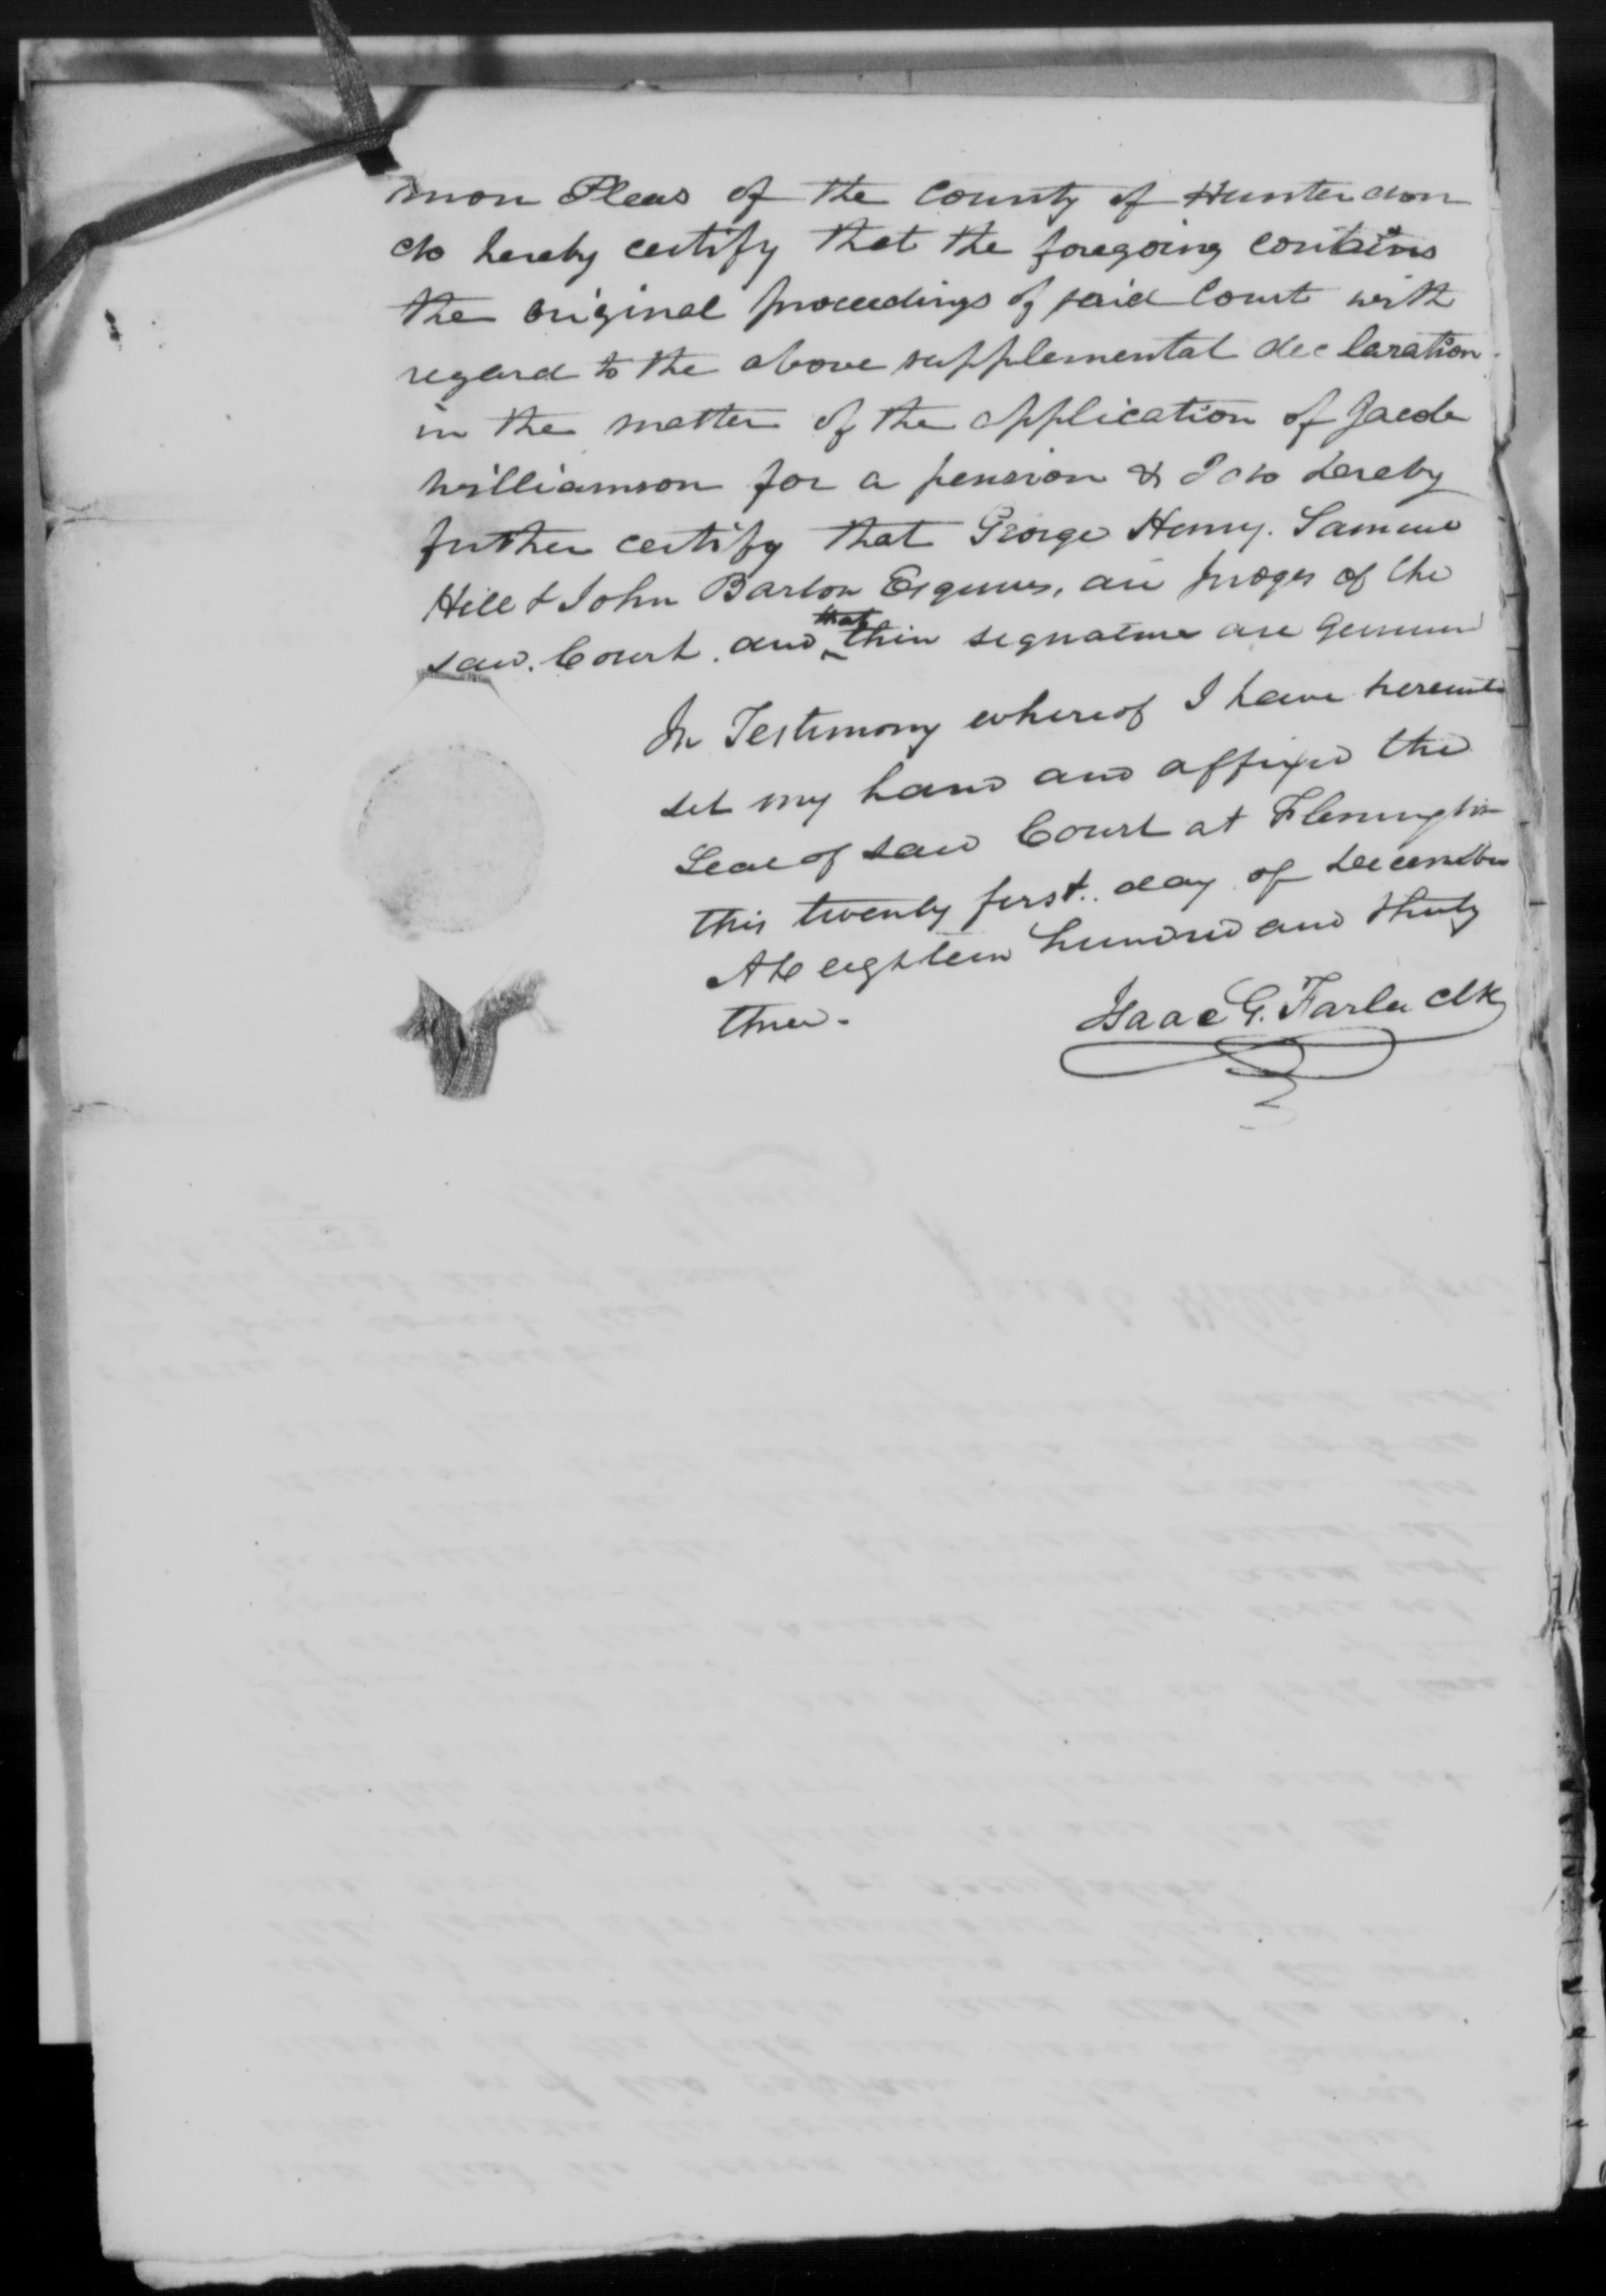...(Com)mon Pleas of the County of Hunterdon, do hereby certify that the foregoing contains the original proceedings of said Court with regard to the above supplemental declaration in the matter of the application of Jacob Williamson for a pension & I do hereby further certify that George Henry, Samuel Hill & John Barton, Esquires, and Judges of the said Court and that their signature are genuine.

In testimony whereof I have hereunto set my Hand and affixed the Seal of said Court at Flemington this Twenty first day of December A.D. Eighteen Hundred and Thirty three.
s/ Isaac G. Farlee, Clk.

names: John Barton, Isaac G Farlee, George Henry, Jacob Williamson, Samuel Hill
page: 56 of 67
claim: widow's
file: W. 2393, Jacob Williamson, New Jersey